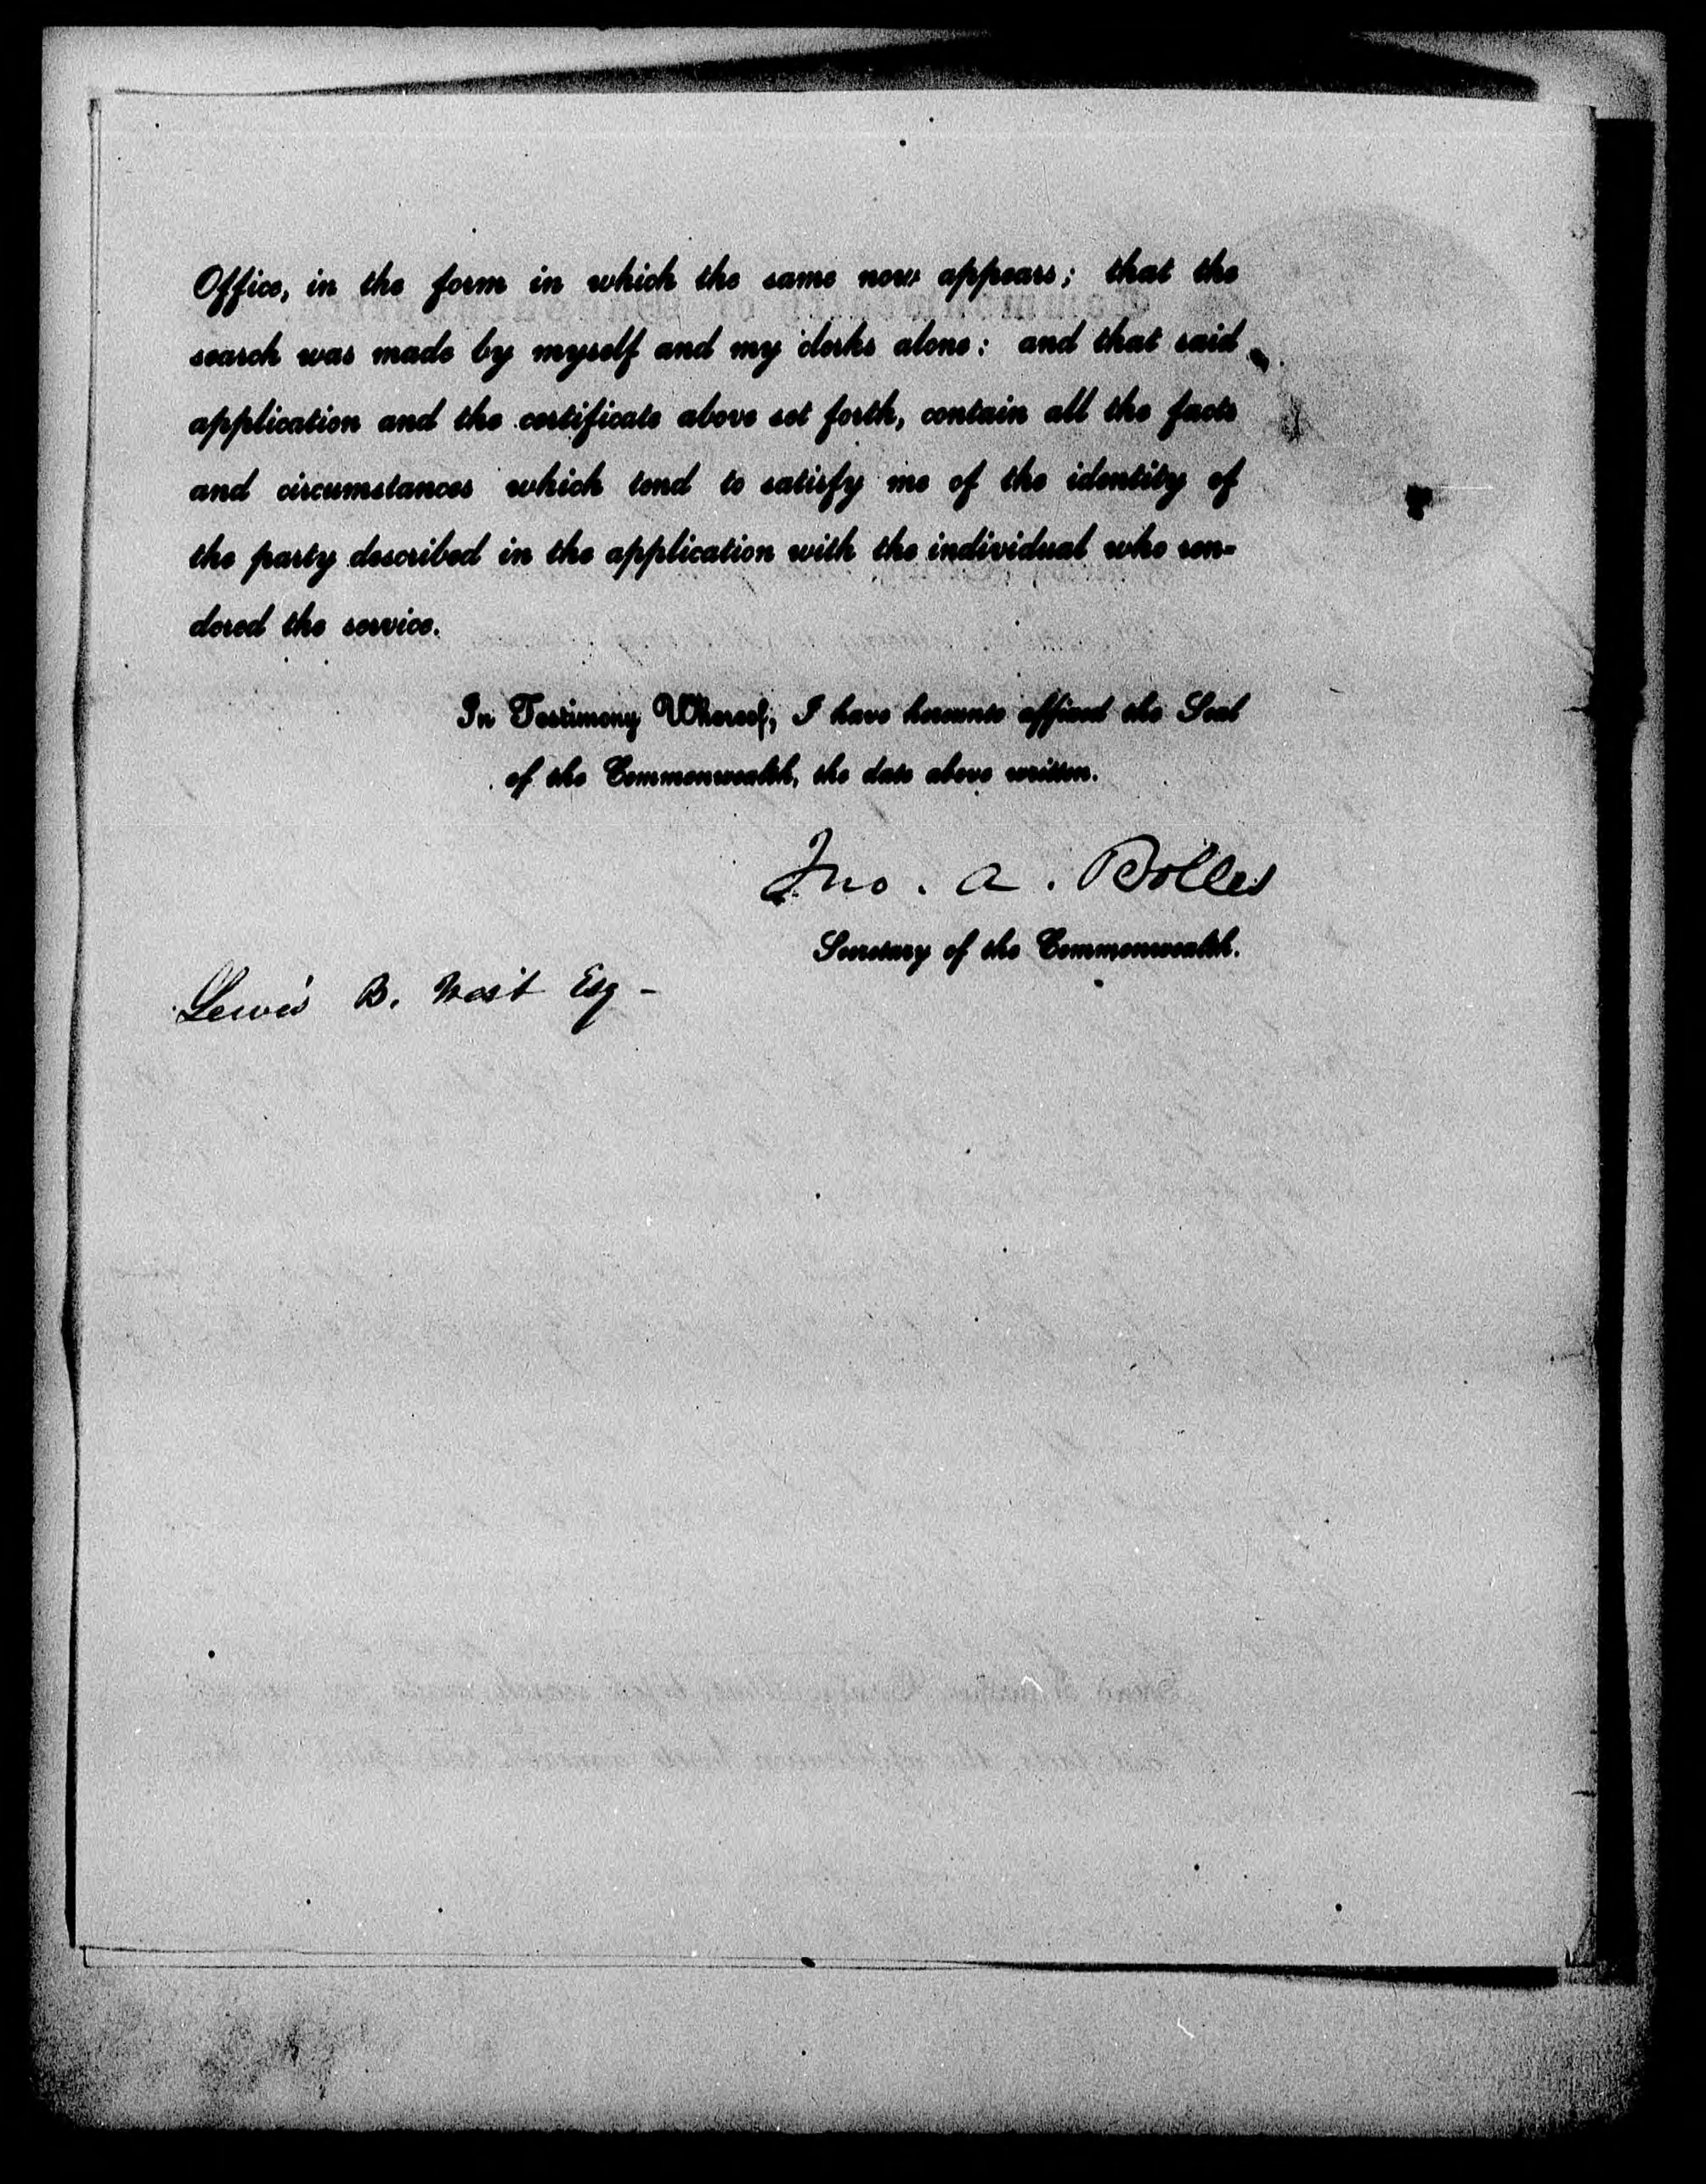Office, in the form in which the same now appears; that the
search was made by myself and my clerks alone: and that said
application and the certificate above set forth, contain all the facts
and circumstances which tend to satisfy me of the identity of
the party described in the application with the individual who
rendered the service,

In Testimony Whereof, I have hereunto affixed at Seal
of the Commonwealth, the date above written.
Jno. A. Bolles
Secretary of the Commonwealth
Lewis B. West Esq-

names: Lewis B West, Jno A Bolles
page: 54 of 57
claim: widow's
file: W. 16,114, John Elliot, Continental (Mass) N.H.